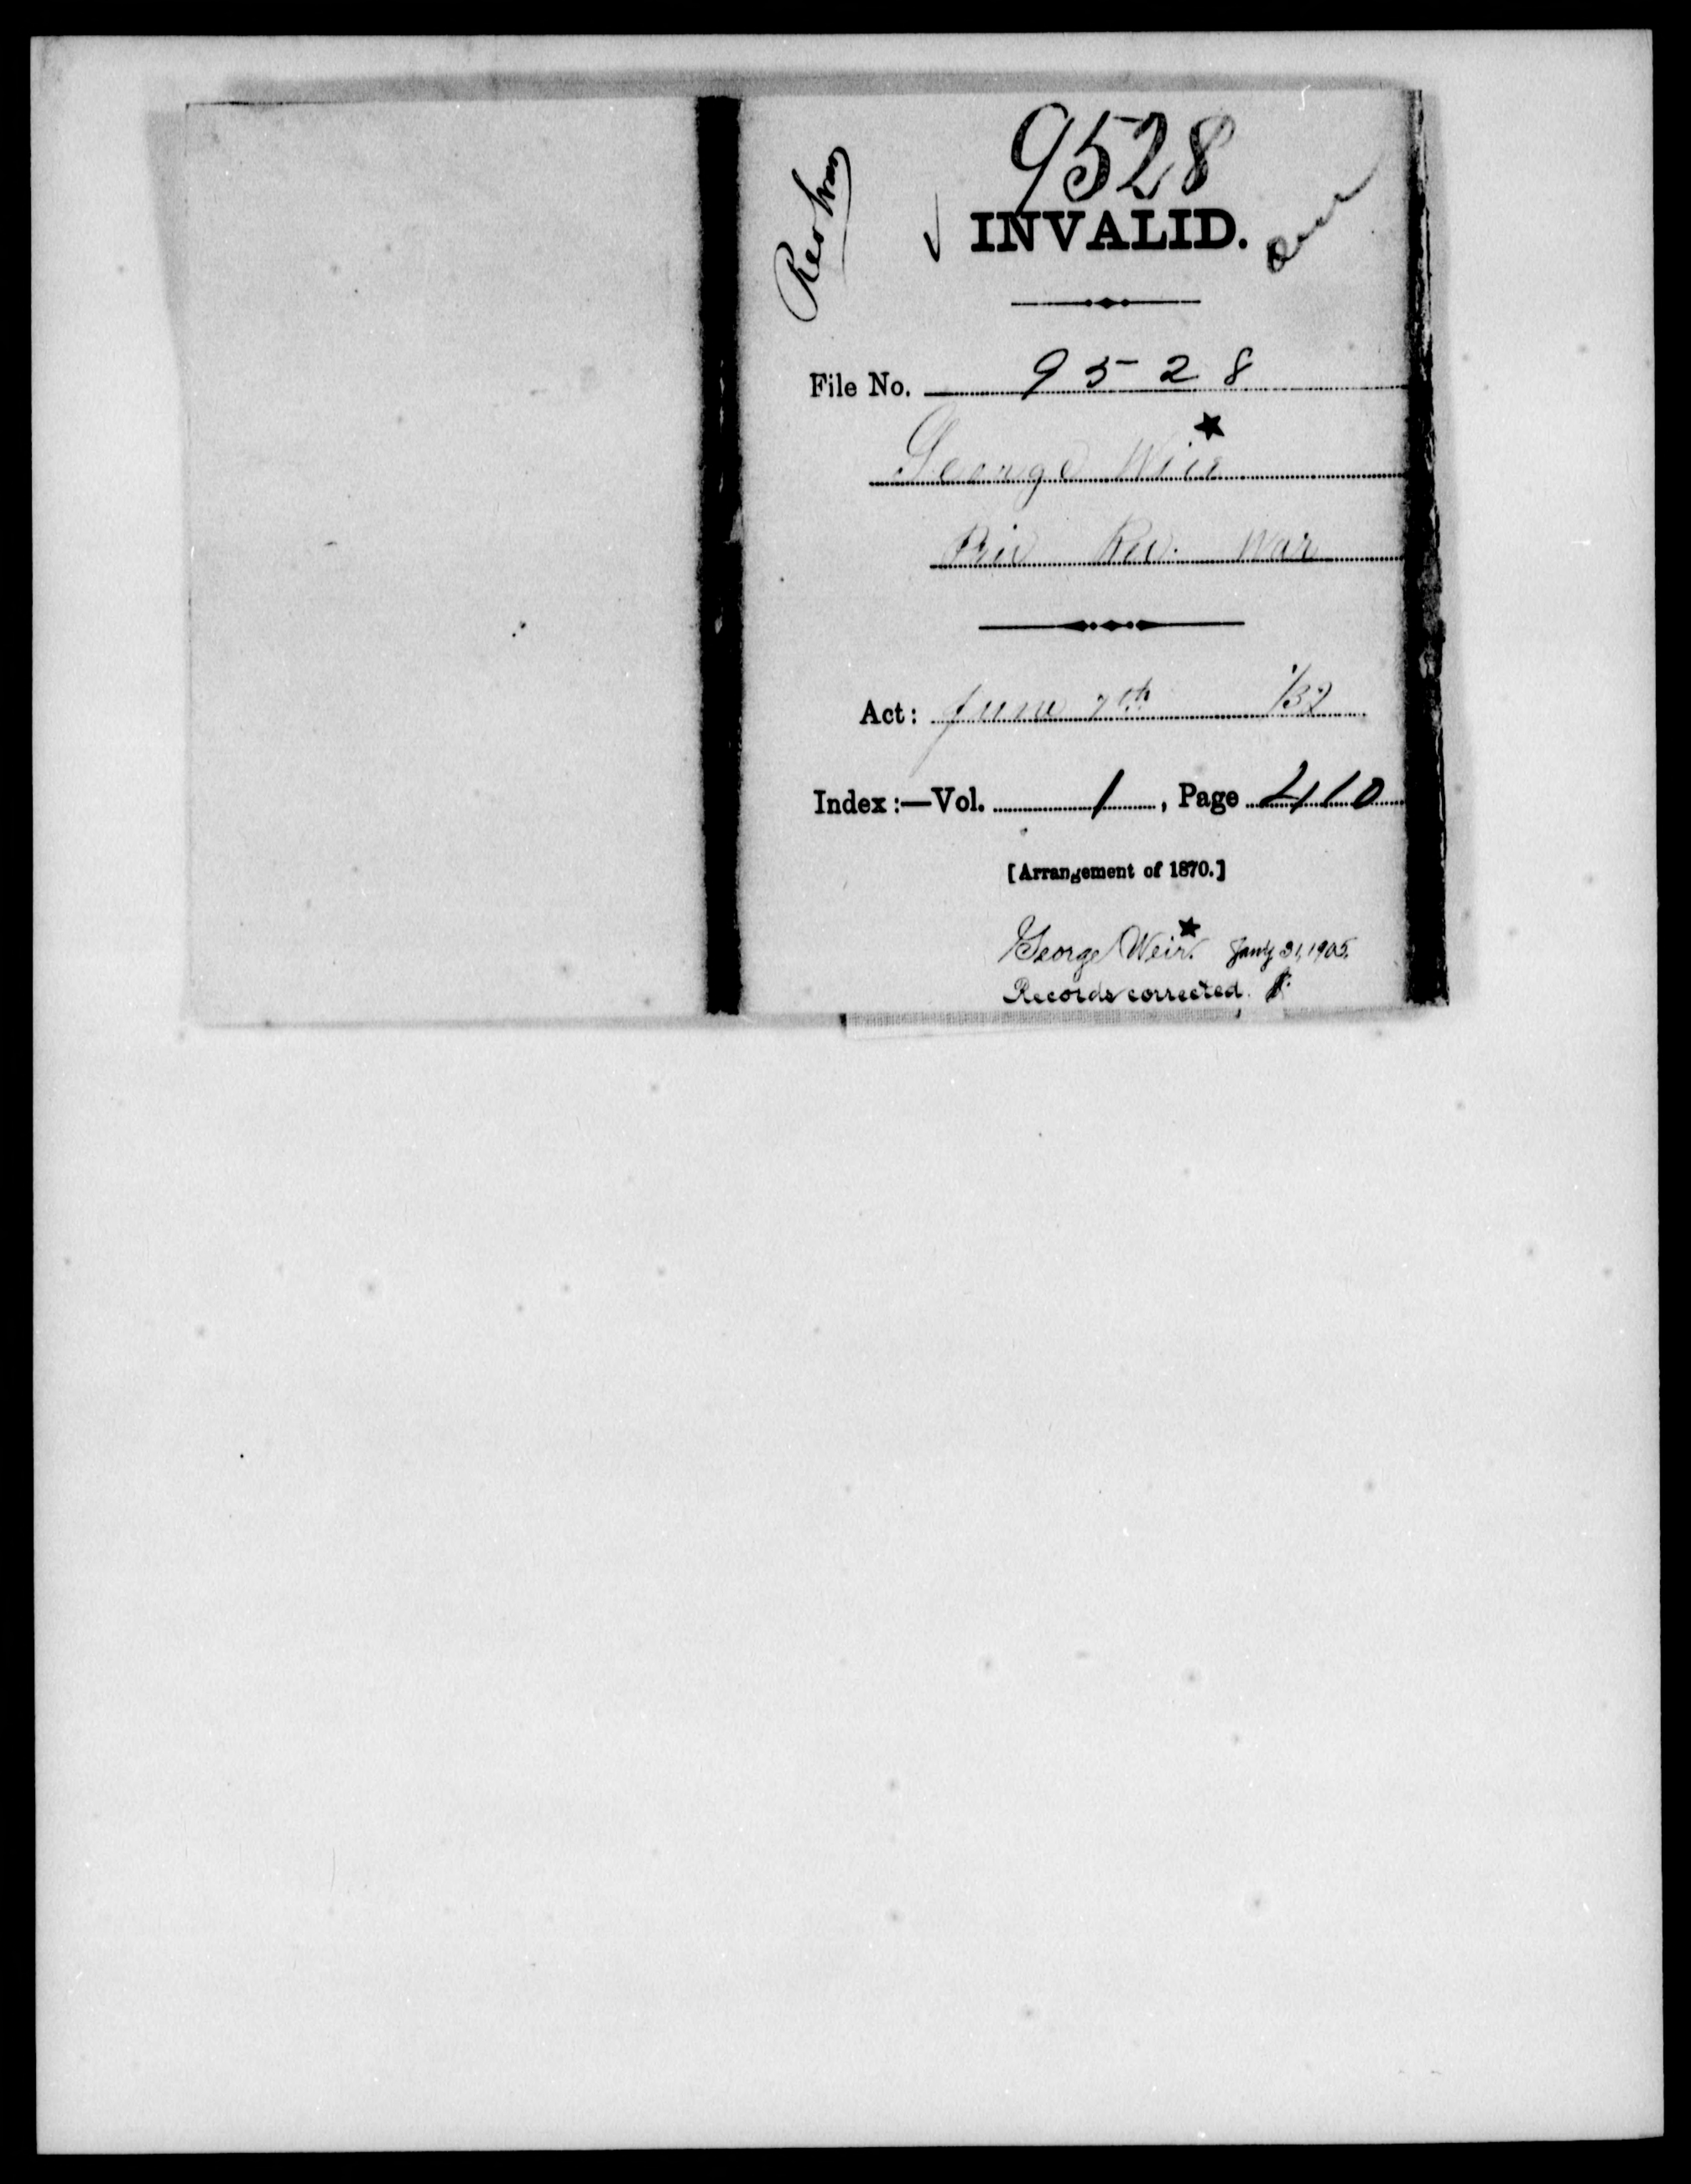9528
INVALID. Rev War
File No. 9528

George Wier
Pri Rev War 
Act: June 7th '32
Index: - Vol. 1, Page 410
{Arrangement of 1870.}
George Weir Jany 31 1905
Records corrected.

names: George Wier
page: 16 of 22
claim: survivor's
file: S. 9528, George Weir, S.C.